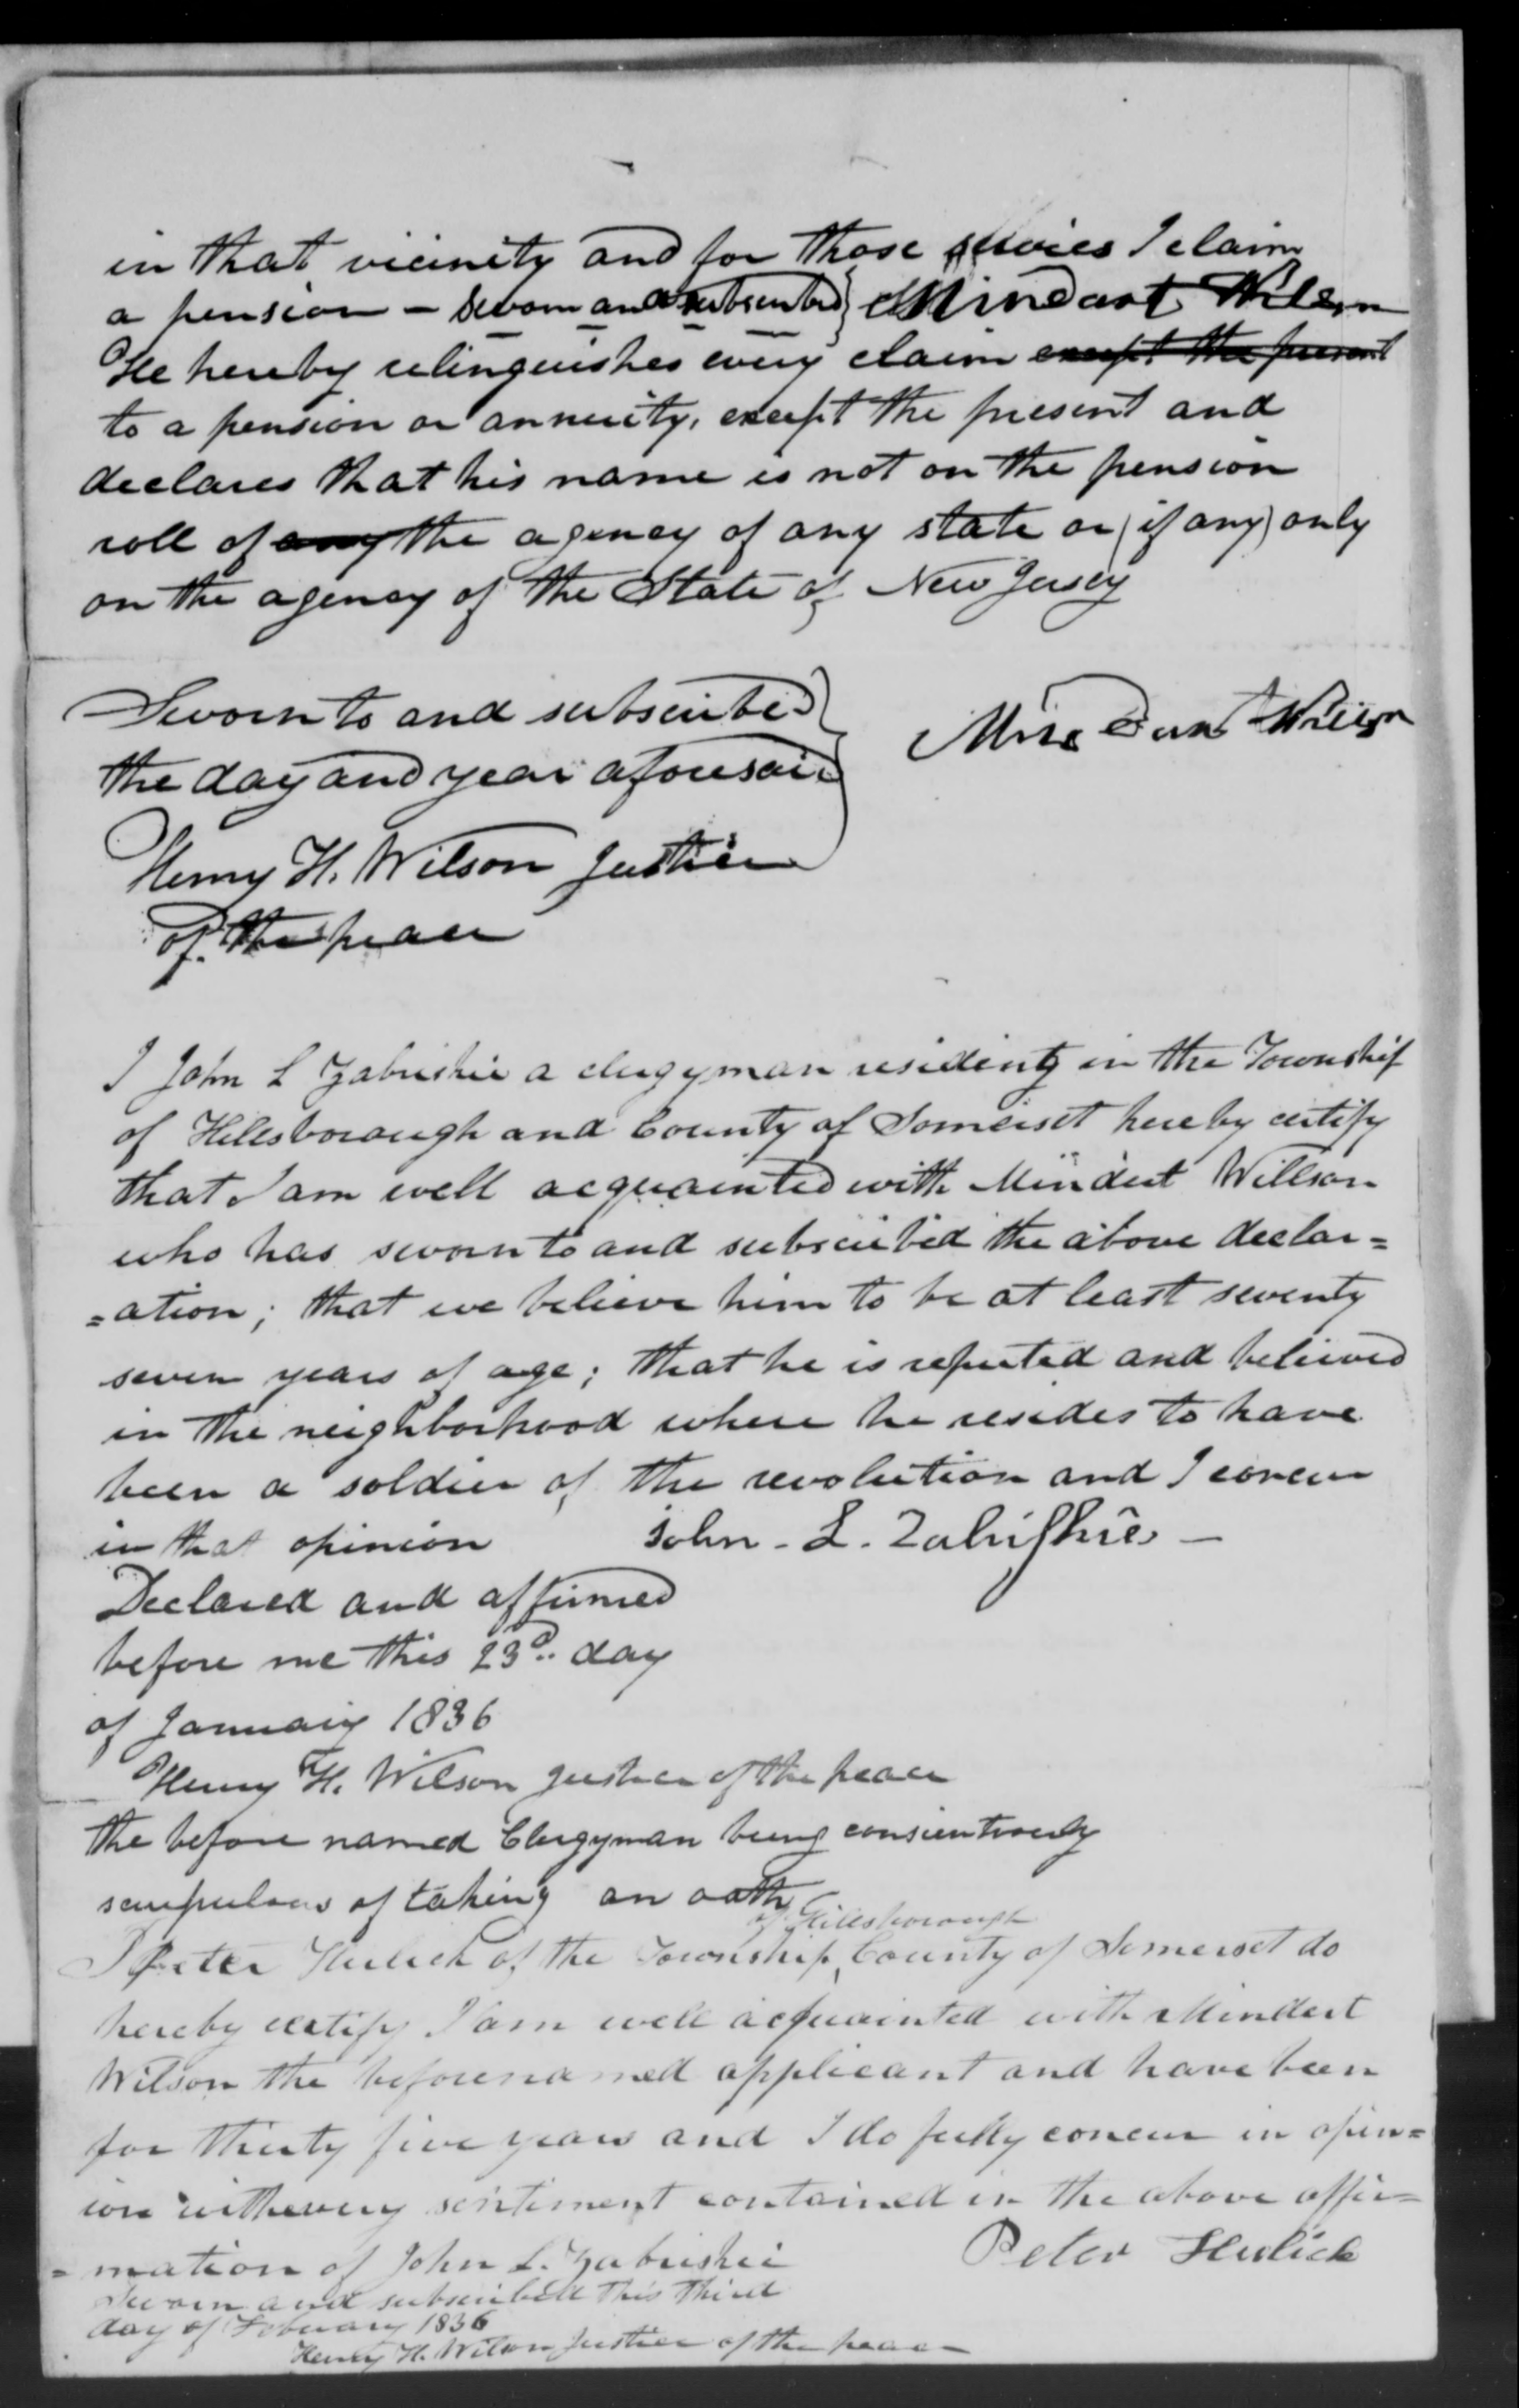in that vicinity and for those services I claim a pension. Sworn and subscribed } Mindart Wilson

He hereby relinquishes every claim to a pension or annuity, except the present and declares that his name is not on the pension roll of the agency of any state or (if any) only on the agency of the State of New Jersey

[signed] Mindart Wilson

Sworn to and subscribed the day and year aforesaid
Henry H. Wilson Justice of the peace

I John L Zabriskie a clergyman resident in the Township of Hillsborough and County of Somerset hereby certify that I am well acquainted with Mindert Willson, who has sworn to and subscribed the above declaration; that we believe him to be at least seventy seven years of age; that he is reputed and believed in the neighborhood where he resides to have been a soldier of the revolution and I concur in that opinion

[signed] John L. Zabriskie

Declared and affirmed before me this 23d day of January 1836
Henry H. Wilson Justice of the peace

the before named Clergyman being conscientiously scrupulous of taking an oath

I Peter Hulick of the Township of Hillsborough, County of Somerset do hereby certify I am well acquainted with Mindert Wilson the before named applicant and have been for thirty five years and I do fully concur in opinion with every sentiment contained in the above affirmation of John L. Zabriskie

Peter Hulick

Sworn and subscribed this third day of February 1836
Henry H. Wilson Justice of the peace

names: Peter Hulick, John L Zabriskie, Henry H Wilson, Mindart Wilson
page: 11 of 40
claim: survivor's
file: S. 3564, Mindart Wilson, New Jersey